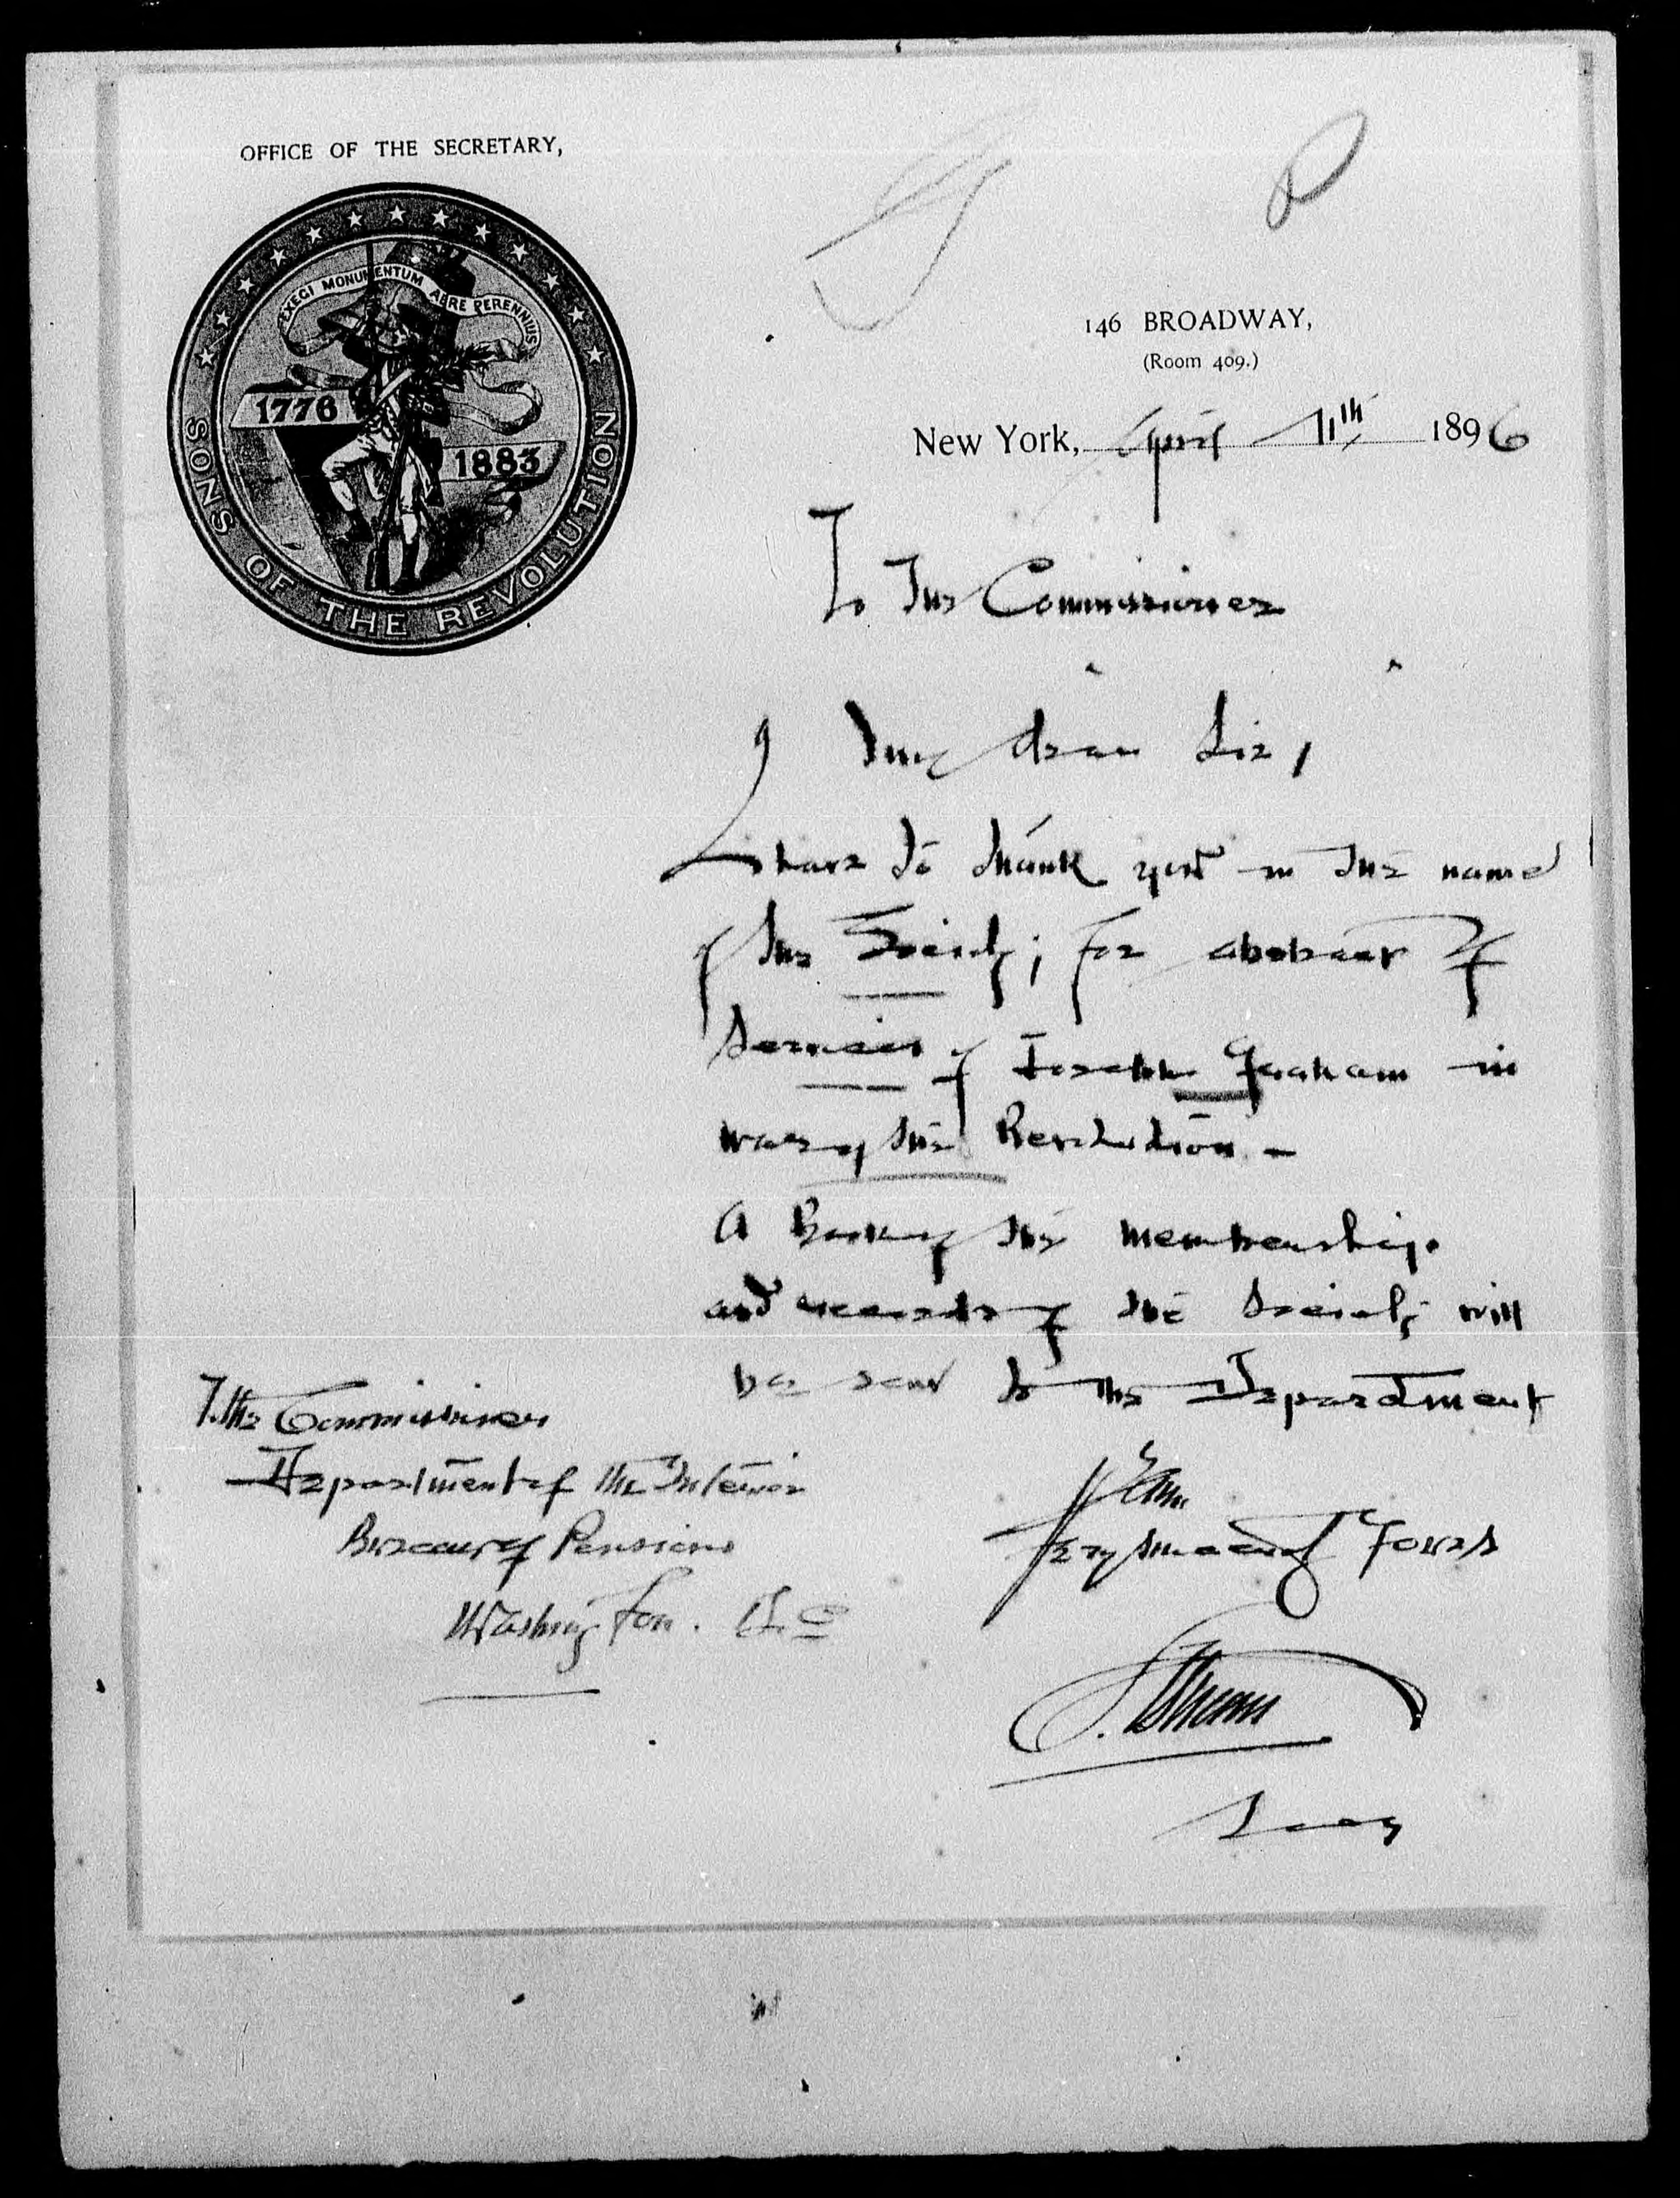OFFICE OF THE SECRETARY
[Seal - EXECI MONUMENTUM AERE PRENNIUS
1776
1883
SONS OF THE REVOLUTION]

146 BROADWAY,
(Room 409.)
New York, April 11th 1896

To The Commissioner

My dear Sir,
I have to thank you in the name of the society for  [illegible] of Services of Joseph Graham in war of the Revolution - 
A Book of  his membership sad reading the Society will be sent to the department

From
this very servant of yours,
C Isham
Secretary
[Signature]

To The Commissioner
Department of the Interior
Bureau of Pensions
Washington D. C.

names: C Isham, Joseph Graham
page: 31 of 55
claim: survivor's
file: S. 6,937, Joseph Graham, N.C.